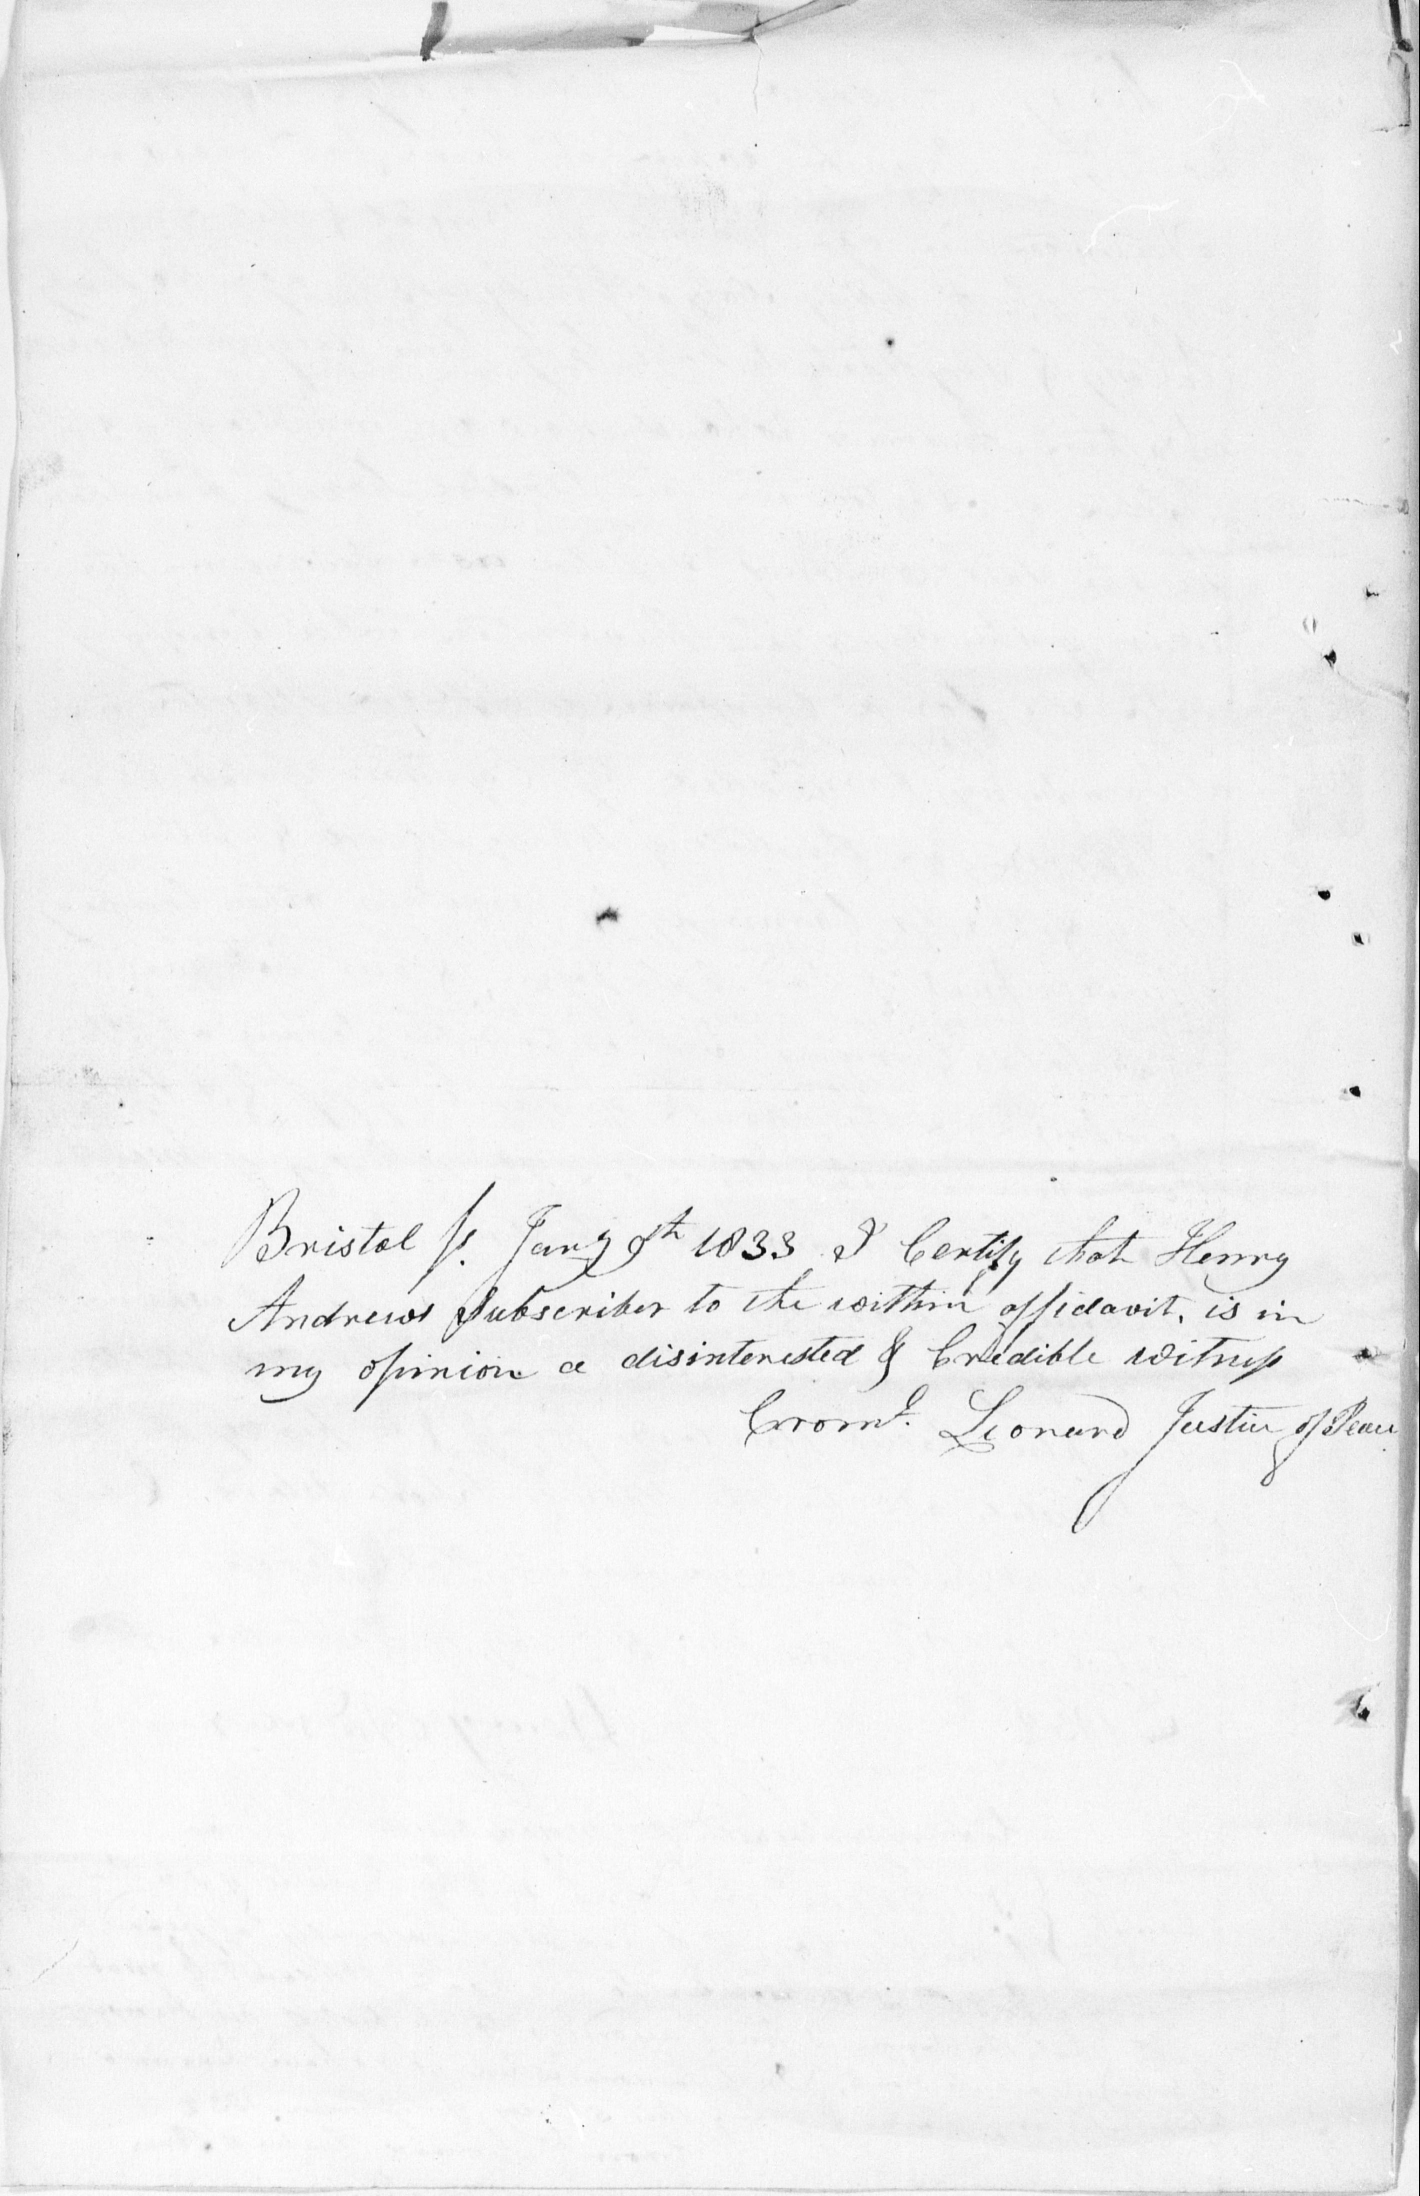Bristol SS. Jany 9th 1833 I certify that Henry Andrews subscriber to the within affidavit is in my opinion a disinterested & credible witness. Cromwl Leonard Justice of Peace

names: Croml Leonard, Henry Andrews, Bristol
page: 12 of 18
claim: survivor's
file: S. 29,590, Nathan Andrews, Mass R.I.